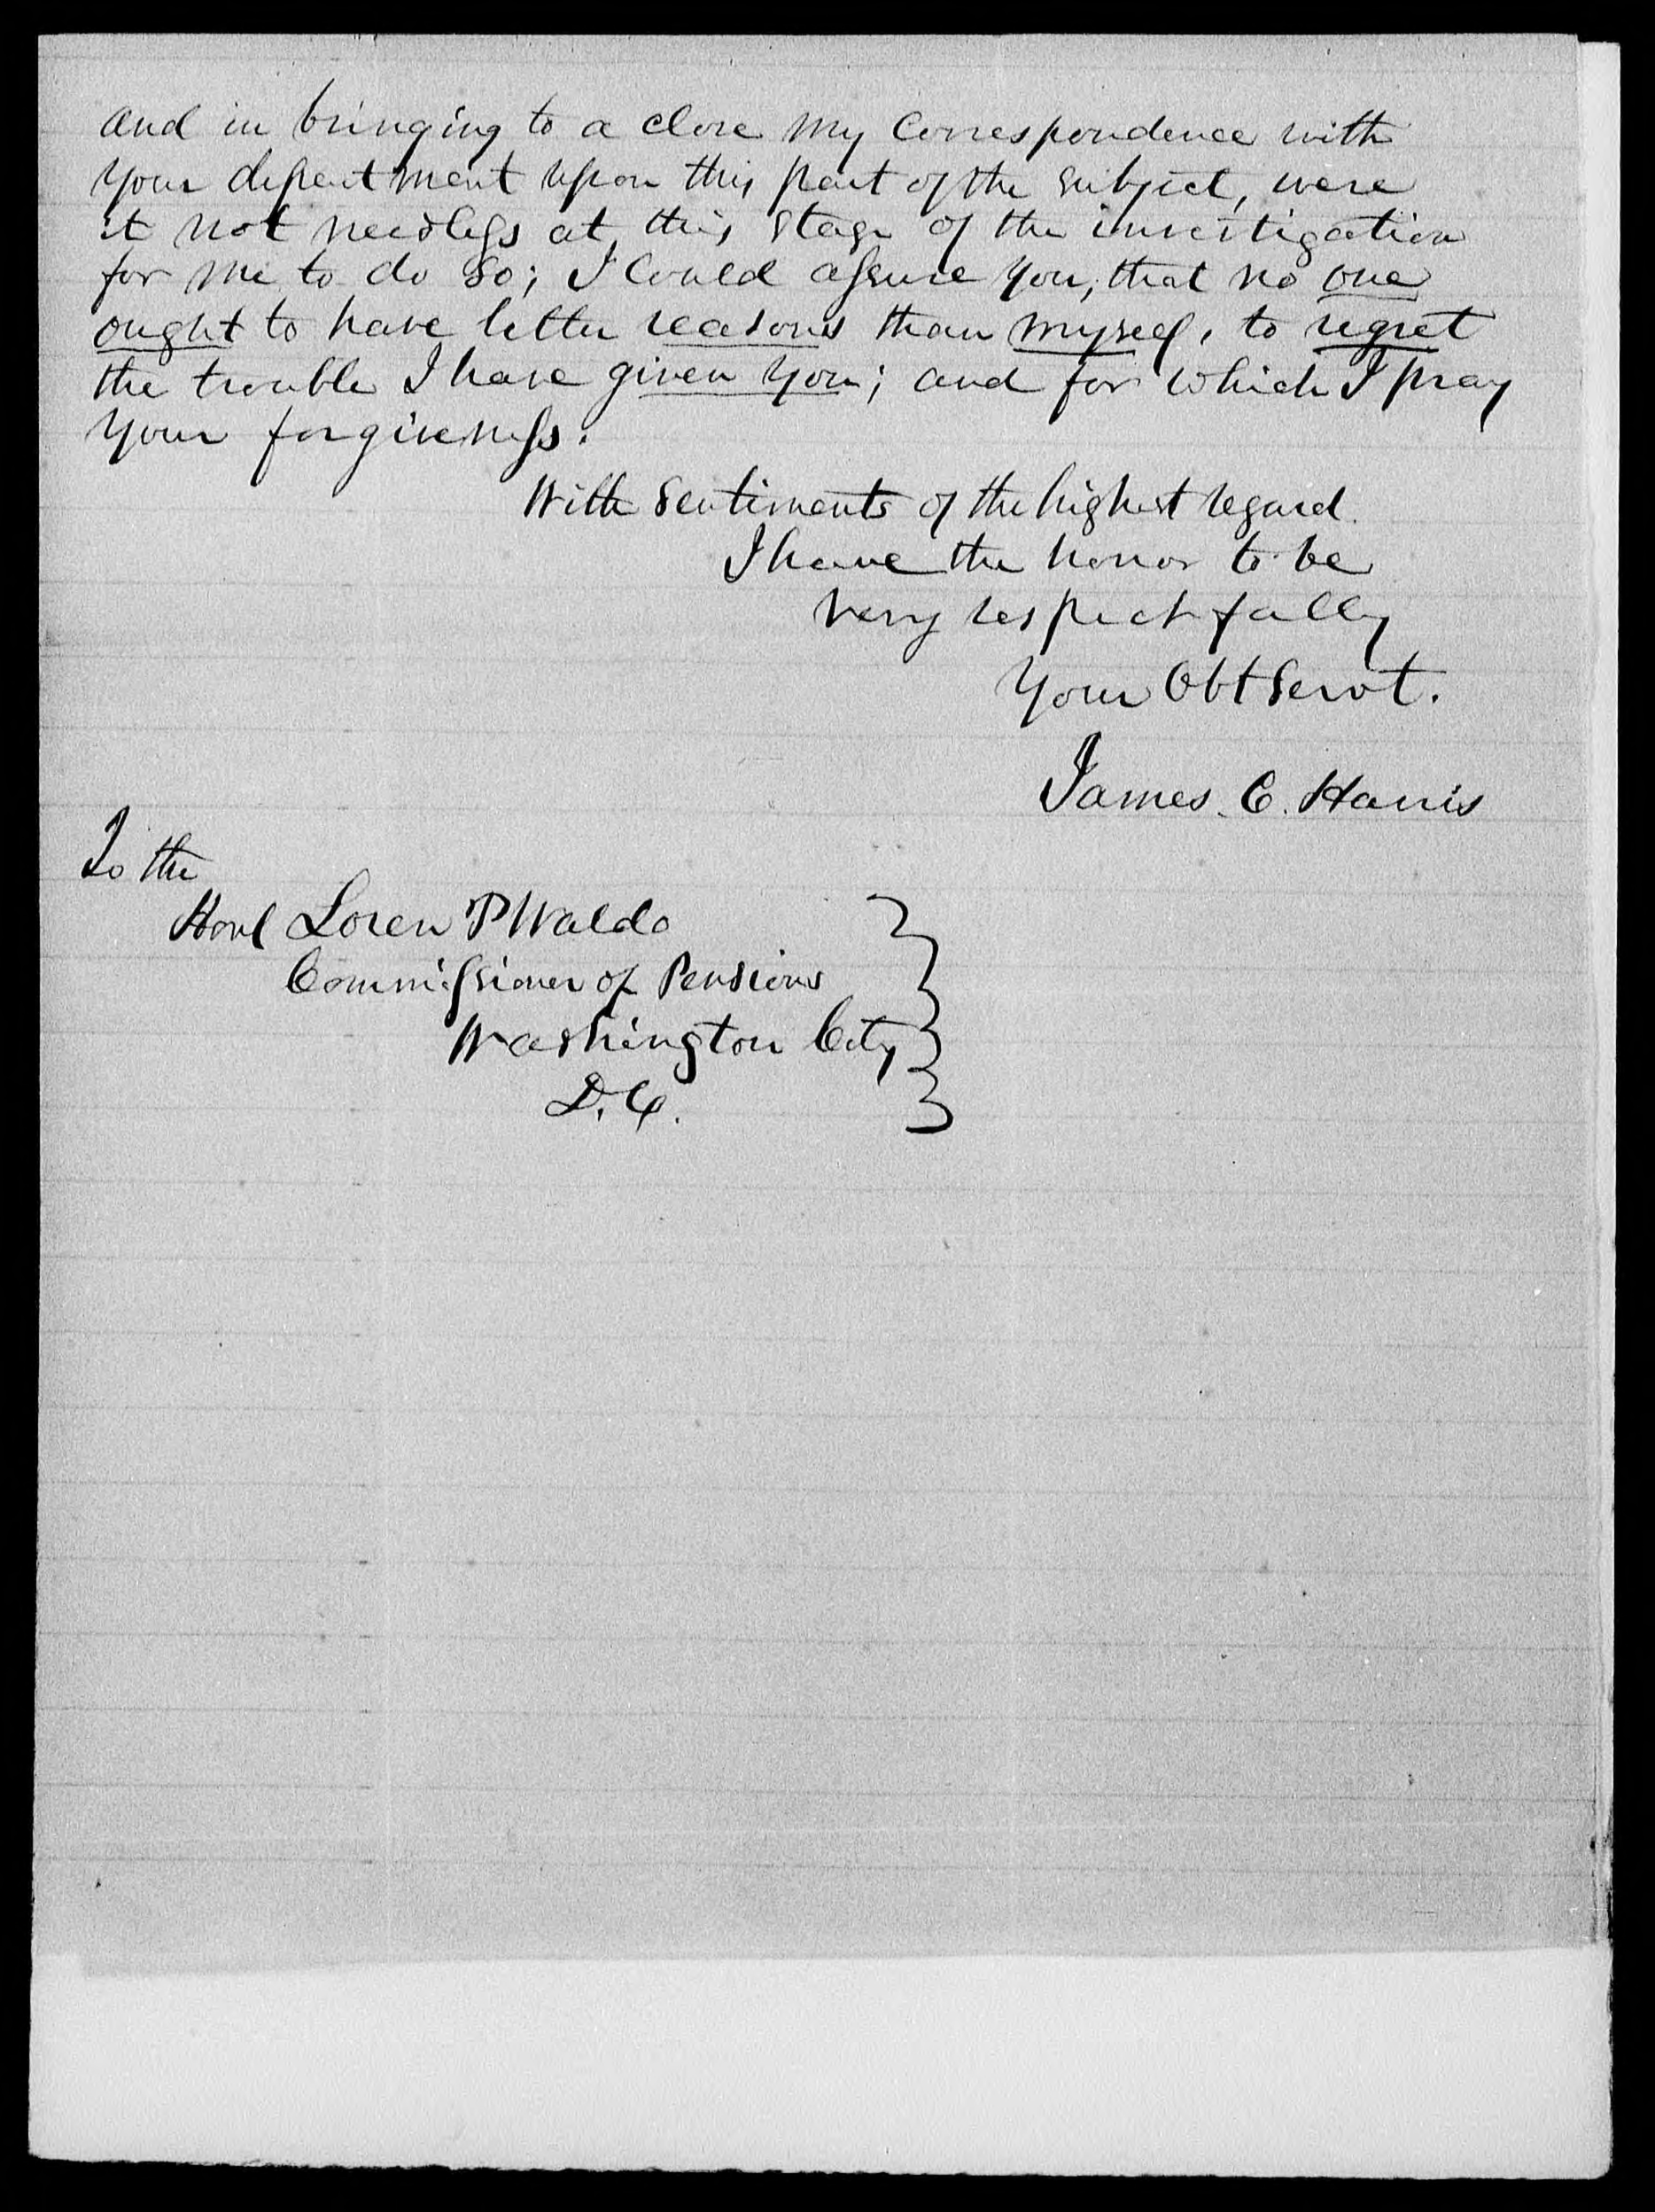and in bringing to a close my correspondence with your department upon this part of the subject, were it not needless at this stage of the investigation for me to do so, I could assure you, that no one ought to have better reasons than myself, to regret the trouble I have given you, and for which I pray your forgiveness.
With sentiments of the highest regard
I have the honor to be
Very respectfully
Your Obt Servt
James C. Harris

To the
Honl Loren P Waldo
Commissioner of Pension
Washington City
D.C.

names: Loren P Waldo, James C Harris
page: 73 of 160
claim: rejected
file: R. 4666, James Harris, Va.